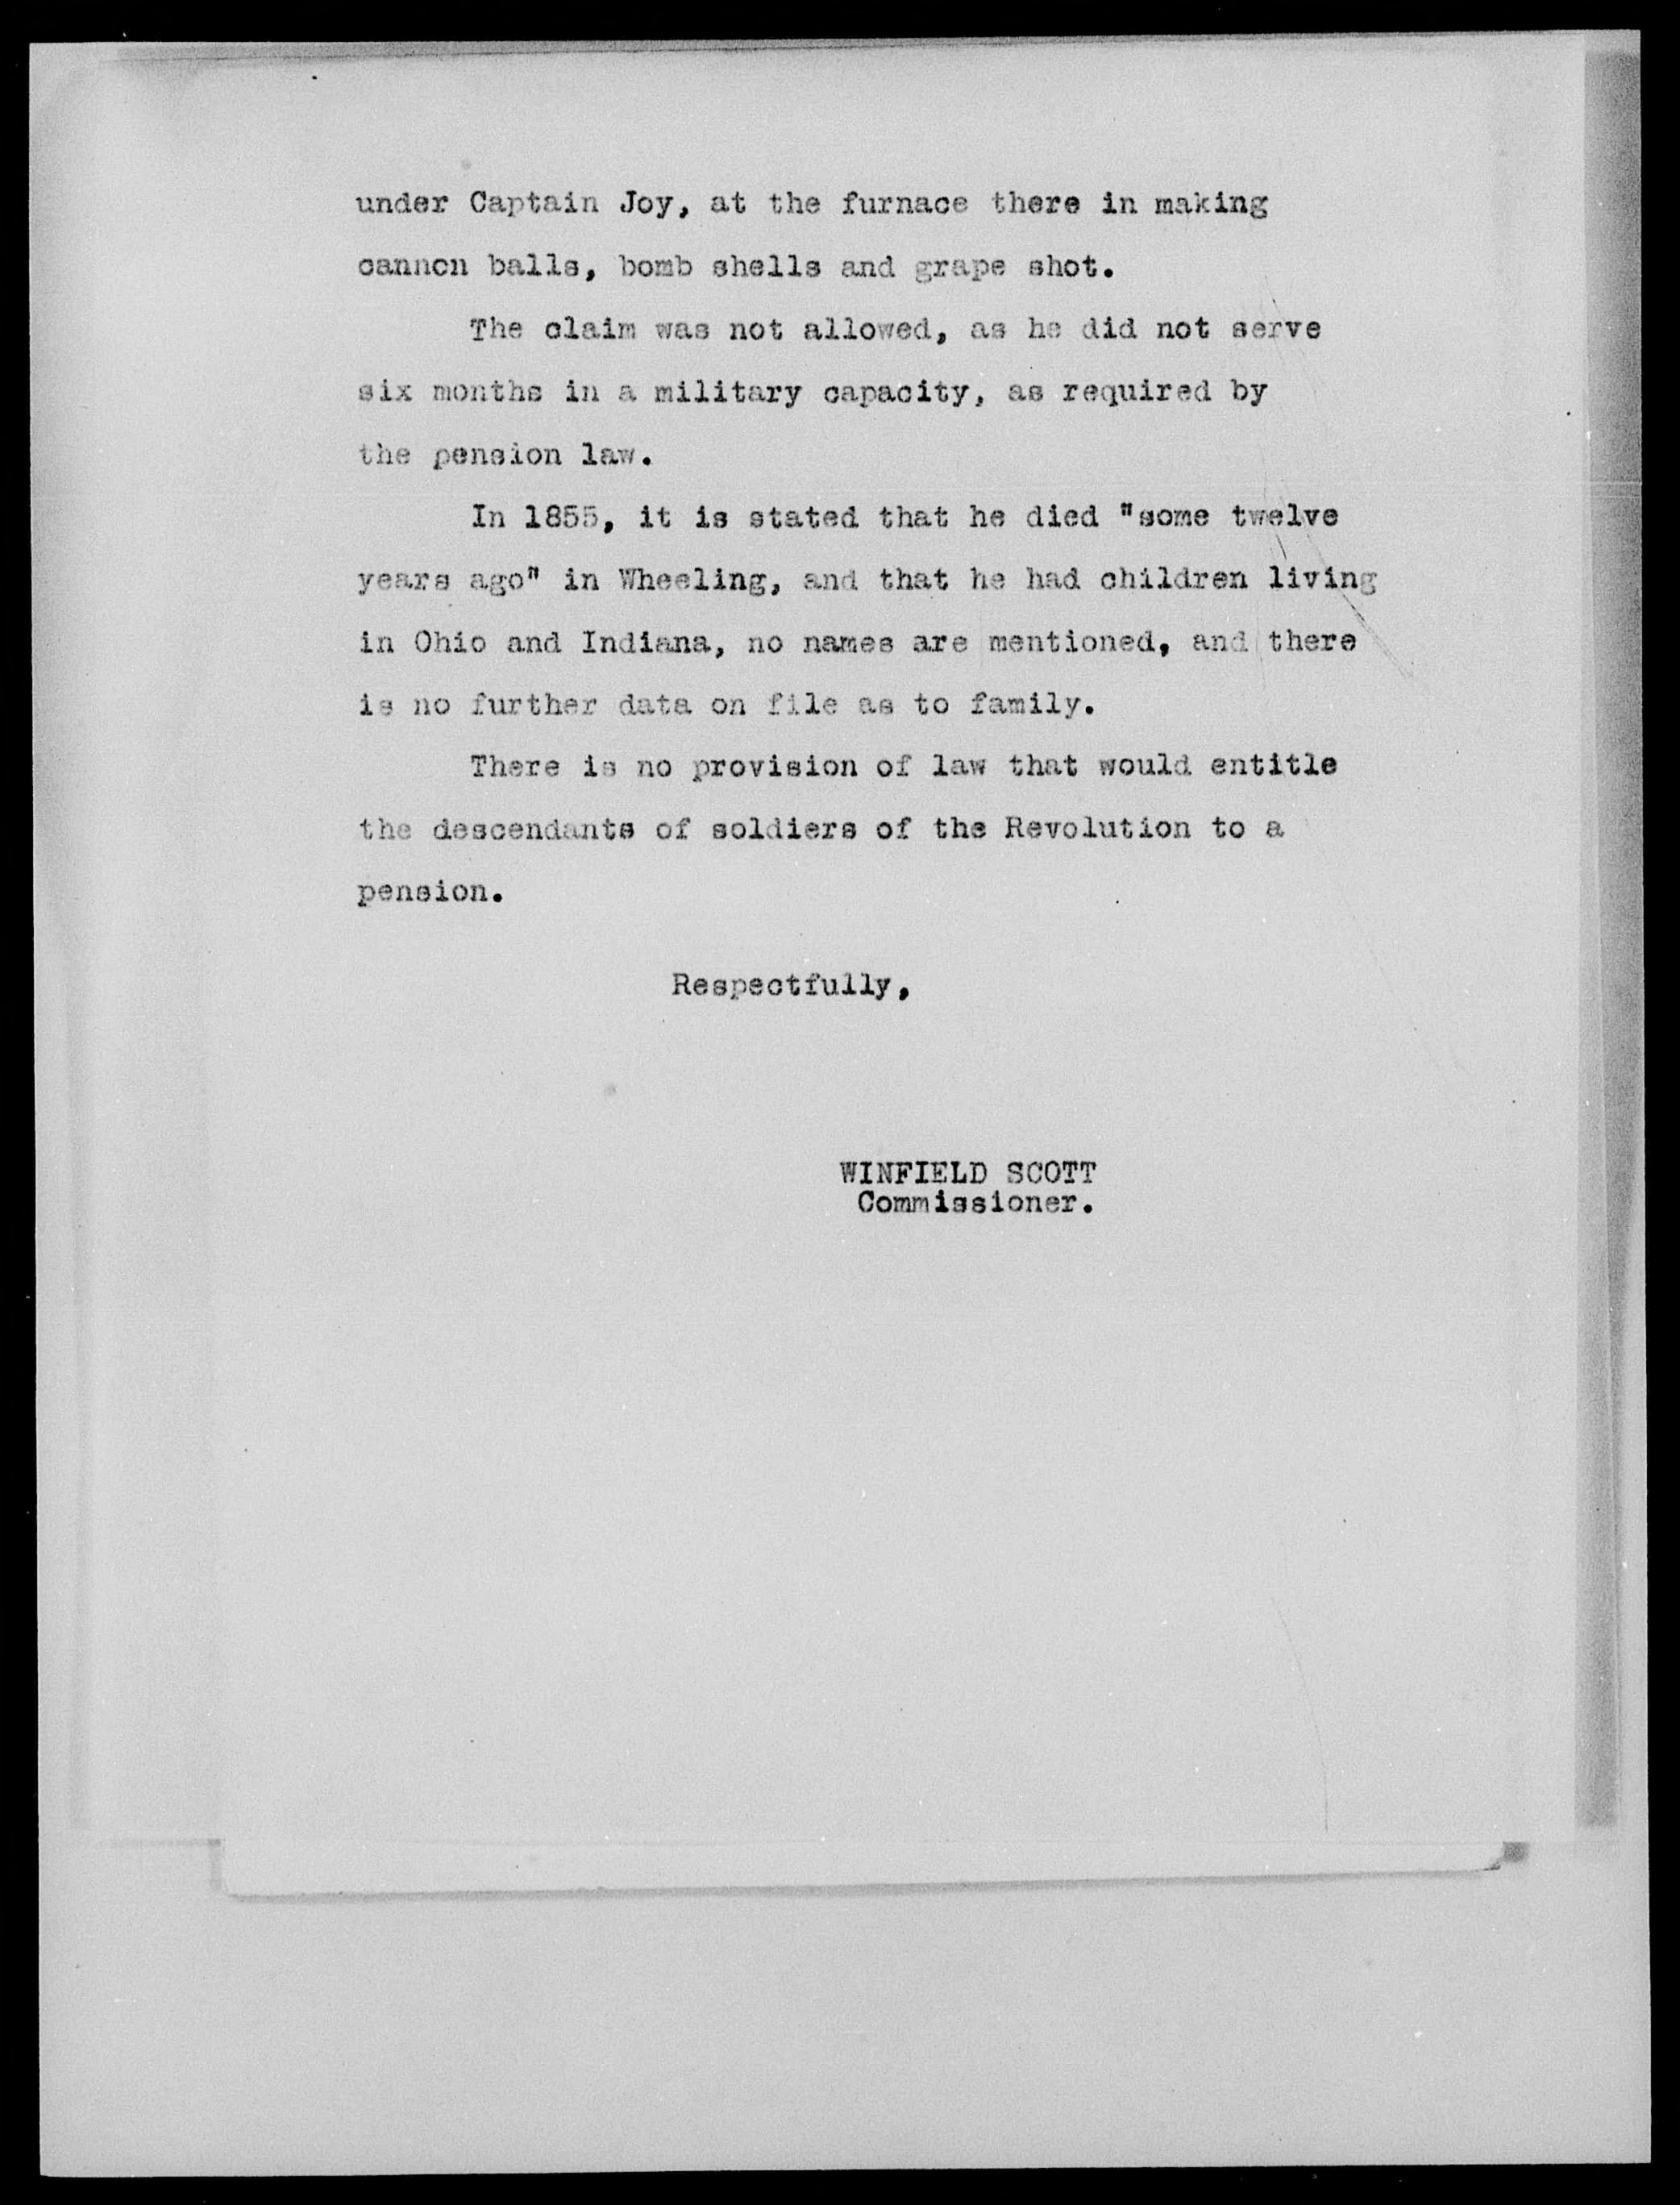under Captain Joy, at the furnace there in making cannon balls, bomb shells and grape shot.

The claim was not allowed, as he did not serve six months in a military capacity, as required by the pension law.

In 1855, it is stated that he died "some twelve years ago" in Wheeling, and that he had children living in Ohio and Indiana, no names are mentioned, and there is no further data on file as to family.

There is no provision of law that would entitle the descendants of soldiers of the Revolution to a pension.

Respectfully,

Winfield Scott
Commissioner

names: [BLANK] Joy; Winfield Scott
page: 8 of 22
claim: rejected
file: R. 8,319, for John Engle Pool, Pennsylvania